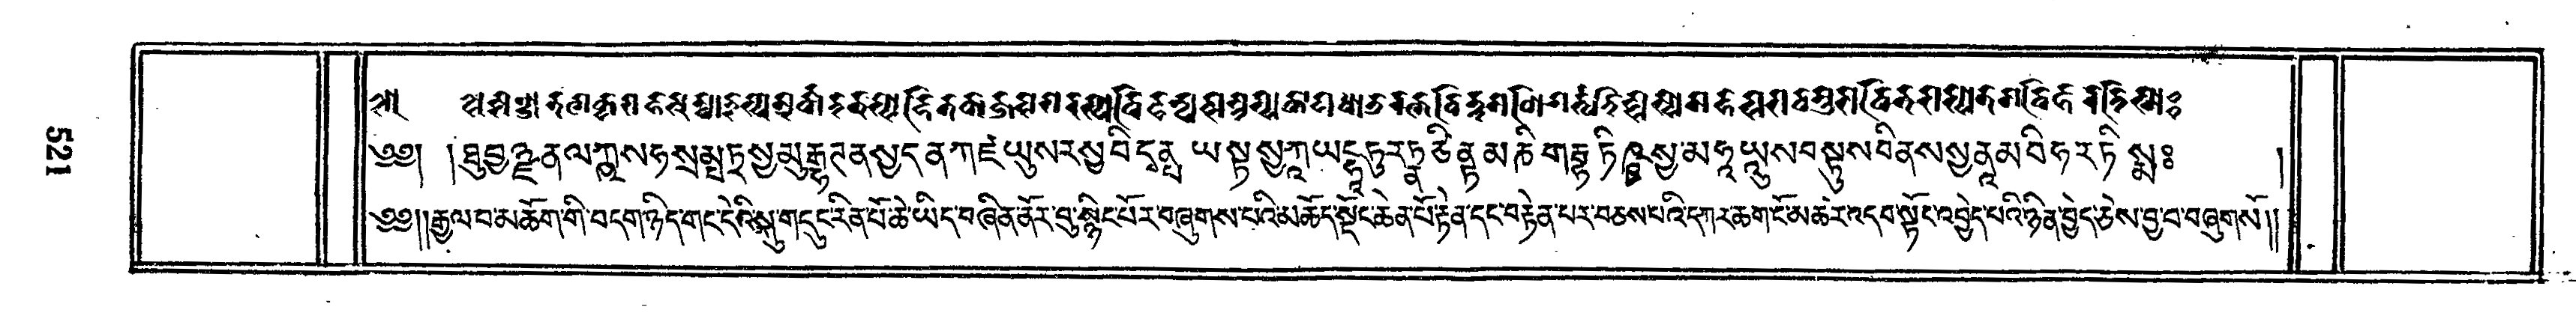༄༅། །ཐུ་བྱཉྫ་ན་ལཀྵ་ས་ཧ་སྲམྤ་ཏྲ་སྱ་མུརྒྷ་ཊ་ན་སྱ་དིན་ཀ་ཇེ་ཡུ་སར་སྱ་པི་དྭ་ནྤ་ཡསྟ་སྱ་ཀཱ་ཡངྷཱ་ཏུ་རཏྣ་ཙིནྟ་མ་ཎི་གརྦྷེ་ཏེཥཊཿཨ་སྱ་མ་ཧཱ་ཡཱུས་བསྟུས་སེ་པི་ནས་སྱ་ནཱ་མ་བི་ཧར་ཏིསྨཿ །
༄༅། །རྒྱལ་བ་མཆོག་གི་བདག་ཉིད་གང་དེའི་སྐུ་གདུང་རིན་པོ་ཆེ་ཡིད་བཞིན་ནོར་བུ་སྙིང་པོར་བཞུགས་པའི་མཆོད་སྡོང་ཆེན་པོ་རྟེན་དང་བརྟེན་པར་བཅས་པའི་དཀར་ཆག་ངོ་མཚར་འདབ་སྟོང་འབྱེད་པའི་ཉིན་བྱེད་ཅེས་བྱ་བ་བཞུག་སོ།།